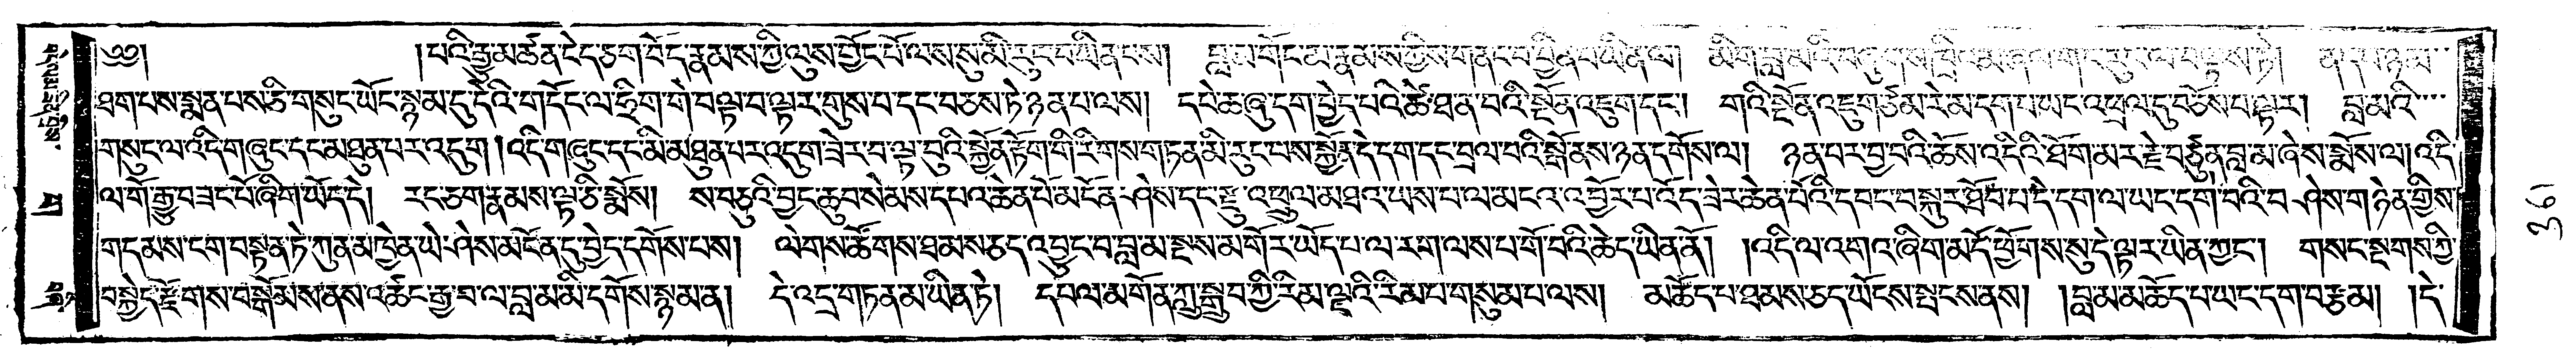༄༅། །པའི་རྒྱུ་མཚན་ངེད་ཅག་བོད་རྣམས་ཀྱི་ལུས་གྱོང་པོ་ལས་སུ་མི་རུང་བ་ཡིན་པས། བླ་མ་གོང་མ་རྣམས་ཀྱིས་གནང་བ་བྱིན་པ་ཡིན་ལ། མིག་བླ་མའི་བཞུགས་ཁྲིའམ་ཞལ་གང་རུང་ལ་བལྟས་ཏེ། ནད་པ་ཉམ་
ཐག་པས་སྨན་པས་ཅི་གསུང་ཡོང་སྙམ་དུ་དེའི་གདོང་ལ་ཧྲིག་གེ་བལྟ་པ་ལྟར་གུས་པ་དང་བཅས་ཏེ་ཉན་པ་ལས། དཔེ་ཆ་ཞུ་དག་བྱེད་པའི་ཚེ་ཐ་ན་བའི་སྔོན་འཇུག་དང་། གའི་སྔོན་འཇུག་ཙམ་རེ་མ་དག་པ་ལང་འཕྲལ་དུ་བཅོས་པ་ལྟར། བླ་མའི་
གསུང་ལ་འདི་གཞུང་དང་མཐུན་པར་འདུག །འདི་གཞུང་དང་མི་མཐུན་པར་འདུག་ཟེར་བ་ལྟ་བུའི་སྐྱོན་རྟོག་གི་རིགས་གཏན་མི་རུང་པས་སྐྱོན་དེ་དག་དང་བྲལ་བའི་སྒོ་ནས་ཉན་དགོས་ལ། ཉན་པར་བྱ་བའི་ཆོས་འདིའི་ཐོག་མར་རྗེ་བཙུན་བླ་མ་ཞེས་སྨོས་ལ། འདི་
ལ་གོ་རྒྱུ་བཟང་པོ་ཞིག་ཡོད་དེ། རང་ཅག་རྣམས་ལྟ་ཅི་སྨོས། ས་བཅུའི་བྱང་ཆུབ་སེམས་དཔའ་ཆེན་པོ་མངོན་ཤེས་དང་རྫུ་འཕྲུལ་མཐའ་ཡས་པ་ལ་མངའ་འབྱོར་པ་འོད་ཟེར་ཆེན་པོའི་དབང་བསྐུར་ཐོབ་པ་དེ་དག་ལ་ཡང་དག་བའི་བཤེས་གཉེན་གྱིས་
གདམས་ངག་བསྟན་ཏེ་ཀུན་མཁྱེན་ཡེ་ཤེས་མངོན་དུ་བྱེད་དགོས་པས། ལེགས་ཚོགས་ཐམས་ཅད་འབྱུང་བ་བླ་མ་སྔས་མགོར་ཡོད་པ་ལ་རག་ལས་པ་གོ་བའི་ཆེད་ཡིན་ནོ། །འདི་ལ་འགའ་ཞིག་མདོ་ཕྱོགས་སུ་དེ་ལྟར་ཡིན་ཀྱང་། གསང་སྔགས་ཀྱི་
བསྐྱེད་རྫོགས་བསྒོམས་ནས་འཚང་རྒྱ་བ་ལ་བླ་མ་མི་དགོས་སྙམ་ན། དེ་འདྲ་གཏན་མ་ཡིན་ཏེ། དཔལ་མགོན་ཀླུ་སྒྲུབ་ཀྱི་རིམ་ལྔའི་རིམ་པ་གསུམ་པ་ལས། མཆོད་པ་ཐམས་ཅད་ཡོངས་སྤངས་ནས། །བླ་མ་མཆོད་པ་ཡང་དག་བརྩམ། །དེ་